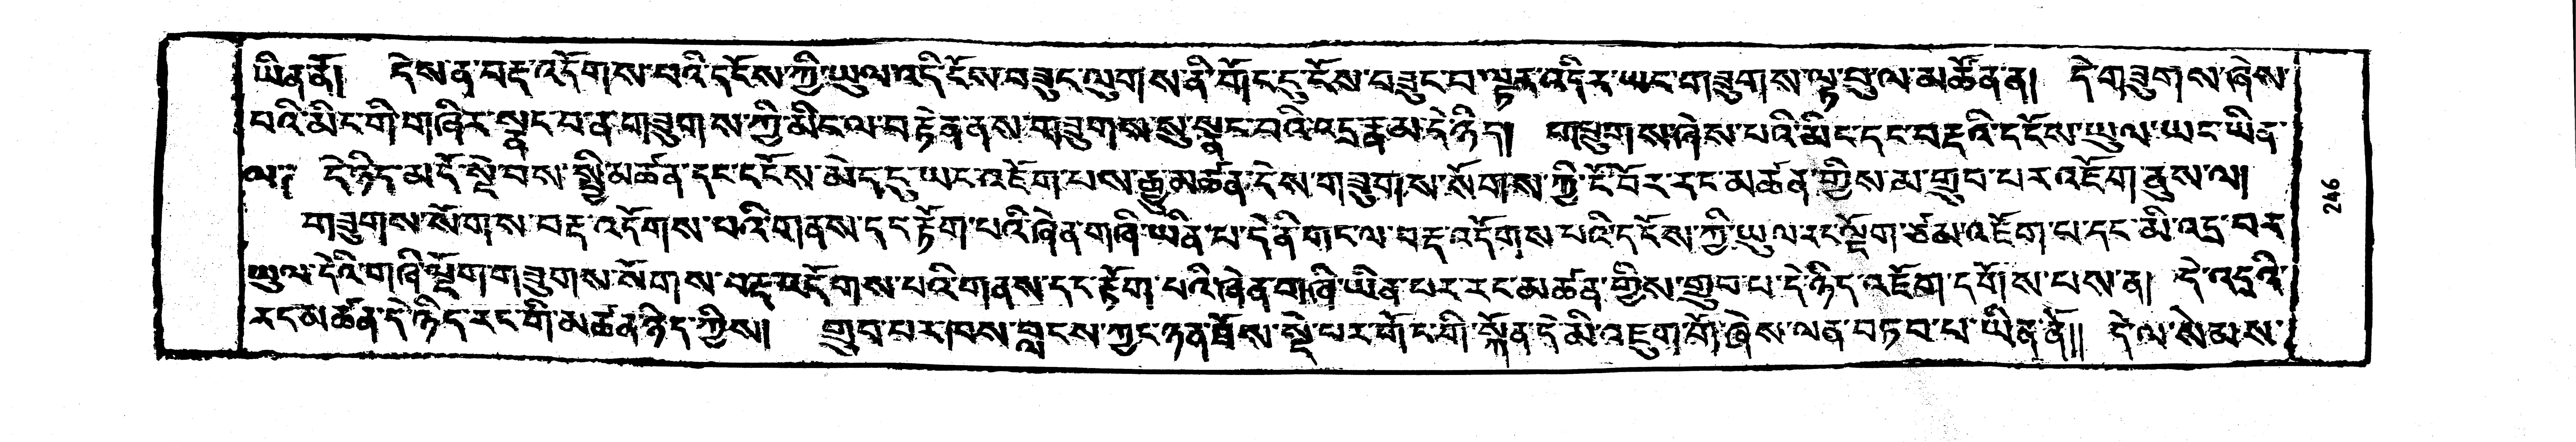ཡིན་ནོ། དེས་ན་བརྡ་འདོགས་པའི་དངོས་ཀྱི་ཡུལ་འདི་ངོས་བཟུང་ལུགས་ནི་གོང་དུ་ངོས་བཟུང་བ་ལྟར་འདིར་ཡང་གཟུགས་ལྟ་བུ་ལ་མཚོན་ན། དེ་གཟུགས་ཞེས་
པའི་མིང་གི་གཞིར་སྣང་བ་ན་གཟུགས་ཀྱི་མིང་ལ་བརྟེན་ནས་གཟུགས་སུ་སྣང་བའི་འདྲ་རྣམ་དེ་ཉིད། གཟུགས་ཞེས་པའི་མིང་དང་བརྡའི་དངོས་ཡུལ་ཡང་ཡིན་
ལ༑ དེ་ཉིད་མདོ་སྡེ་བས་སྤྱི་མཚན་དང་དངོས་མེད་དུ་ཡང་འཇོག་པས་རྒྱུ་མཚན་དེས་གཟུགས་སོགས་ཀྱི་ངོ་བོར་རང་མཚན་གྱིས་མ་གྲུབ་པར་འཇོག་ནུས་ལ།
གཟུགས་སོགས་བརྡ་འདོགས་པའི་གནས་དང་རྟོག་པའི་ཞེན་གཞི་ཡིན་པ་དེ་ནི་གང་ལ་བརྡ་འདོགས་པའི་དངོས་ཀྱི་ཡུལ་རང་ལྡོག་ཙམ་འཇོག་པ་དང་མི་འདྲ་བར་
ཡུལ་དེའི་གཞི་ལྡོག་གཟུགས་སོགས་བརྡ་འདོགས་པའི་གནས་དང་རྟོག་པའི་ཞེན་གཞི་ཡིན་པར་རང་མཚན་གྱིས་གྲུབ་པ་དེ་ཉིད་འཇོག་དགོས་པས་ན། དེ་འདྲའི་
རང་མཚན་དེ་ཉིད་རང་གི་མཚན་ཉིད་ཀྱིས། གྲུབ་པར་ཁས་བླངས་ཀྱང་ཉན་ཐོས་སྡེ་པར་གོང་གི་སྐྱོན་དེ་མི་འཇུག་གོ་ཞེས་ལན་བཏབ་པ་ཡིན་ནོ། །དེ་ལ་སེམས་